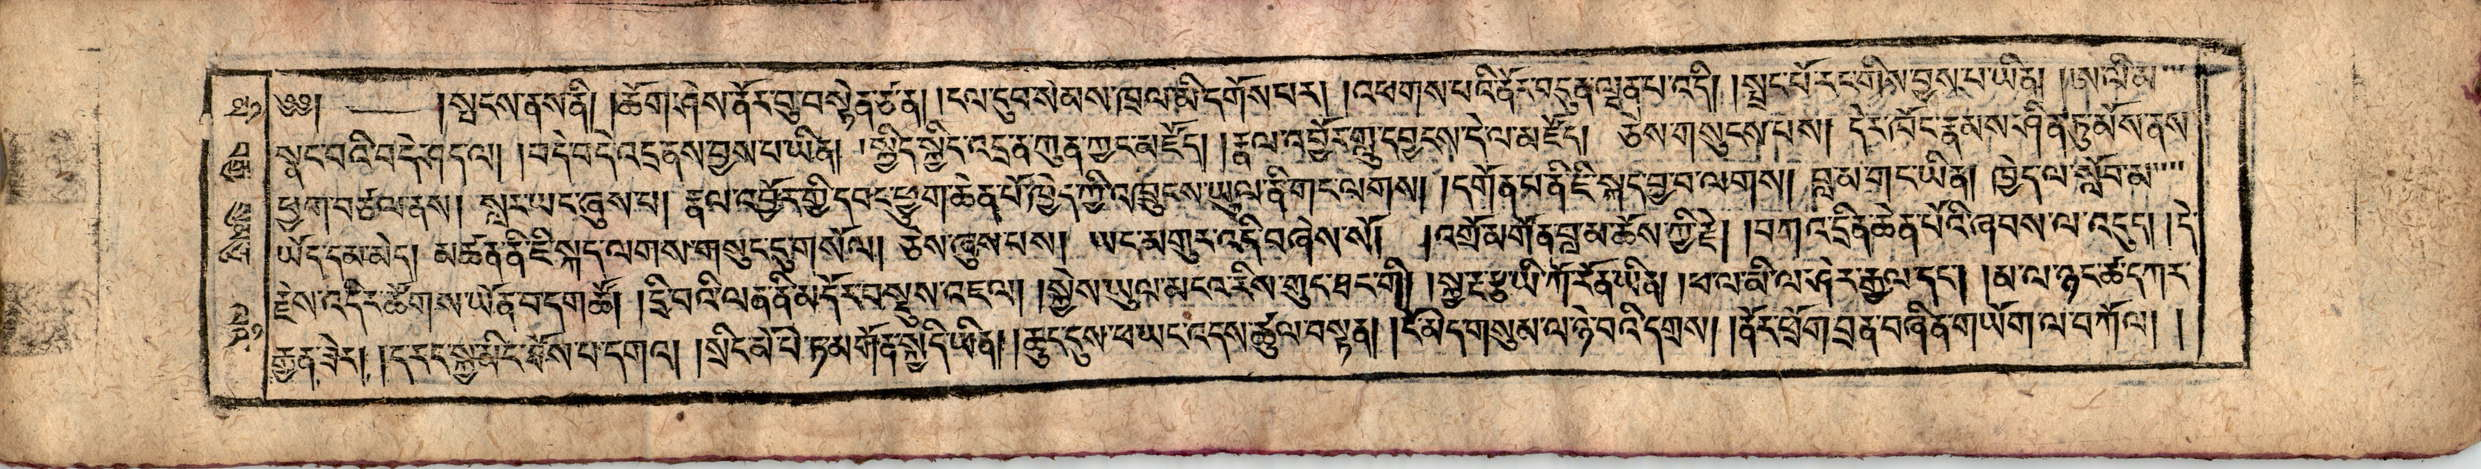སྤངས་ནས་ནི། །ཆོག་ཤེས་ནོར་བུ་བསྟེན་ཙ་ན། །ངལ་དུབ་སེམས་ཁྲལ་མི་དགོས་པར། །འཕགས་པའི་ནོར་བདུན་ལྡན་པ་འདི། །སྤྲང་པོ་རང་གིས་བྱས་པ་ཡིན། །ཨ་ལི་མ་
སྣང་བའི་བདེ་ཤད་ལ། །བདེ་བ་དེ་འདྲ་ནས་བྱས་པ་ཡིན། །སྐྱིད་སྐྱིད་འདྲ་ན་ཀུན་ཀྱང་མཛོད། །རྣལ་འབྱོར་གླུ་དབྱངས་དེ་ལ་མཛོད། །ཅེས་གསུངས་པས། དེར་ཁོང་རྣམས་ཤིན་ཏུ་མོས་ནས་
ཕྱག་བཙལ་ནས། སླར་ཡང་ཞུས་པ། རྣལ་འབྱོར་གྱི་དབང་ཕྱུག་ཆེན་པོ་ཁྱེད་ཀྱི་འཁྲུངས་ཡུལ་ནི་གང་ལགས། །དགོན་པ་ནི་ཇི་སྐད་བྱ་བ་ལགས། བླ་མ་གང་ཡིན། ཁྱེད་ལ་སློབ་མ་
ཡོད་དམ་མེད། མཚན་ནི་ཇི་སྐད་ལགས་གསུང་དུ་གསོལ། ཅེས་ཞུས་པས། ཡང་མགུར་འདི་བཞེས་སོ། །འགྲོ་མགོན་བླ་མ་ཆོས་ཀྱི་རྗེ། །བཀའ་དྲིན་ཆེན་པོའི་ཞབས་ལ་འདུད། །དེ་
རྗེས་འདིར་ཚོགས་ཡོན་བདག་ཚོ། །དྲི་བའི་ལན་ནི་མདོར་བསྡུས་འཇལ། །སྐྱེས་ཡུལ་མངའ་རིས་གུང་ཐང་གི། །སྐྱ་རྔ་རྩ་ཡི་ཀོ་རོན་ཡིན། །ཕ་ལ་མི་ལ་ཤེར་རྒྱལ་དང་། །མ་ལ་ཉང་ཚ་དཀར་
རྒྱན་ཟེར། །ང་རང་སྐྱ་མིང་ཐོས་པ་དགའ། །སྲིང་མོ་པེ་ཏ་མགོན་སྐྱིད་ཡིན། །ཆུང་དུས་ཕ་ཡང་འདས་ཚུལ་བསྟན། །ངོ་མེད་གསུམ་ལ་ཉེ་བའི་དགྲས། །ནོར་ཕྲོག་བྲན་བཞིན་གཡོག་ལ་བཀོལ། །